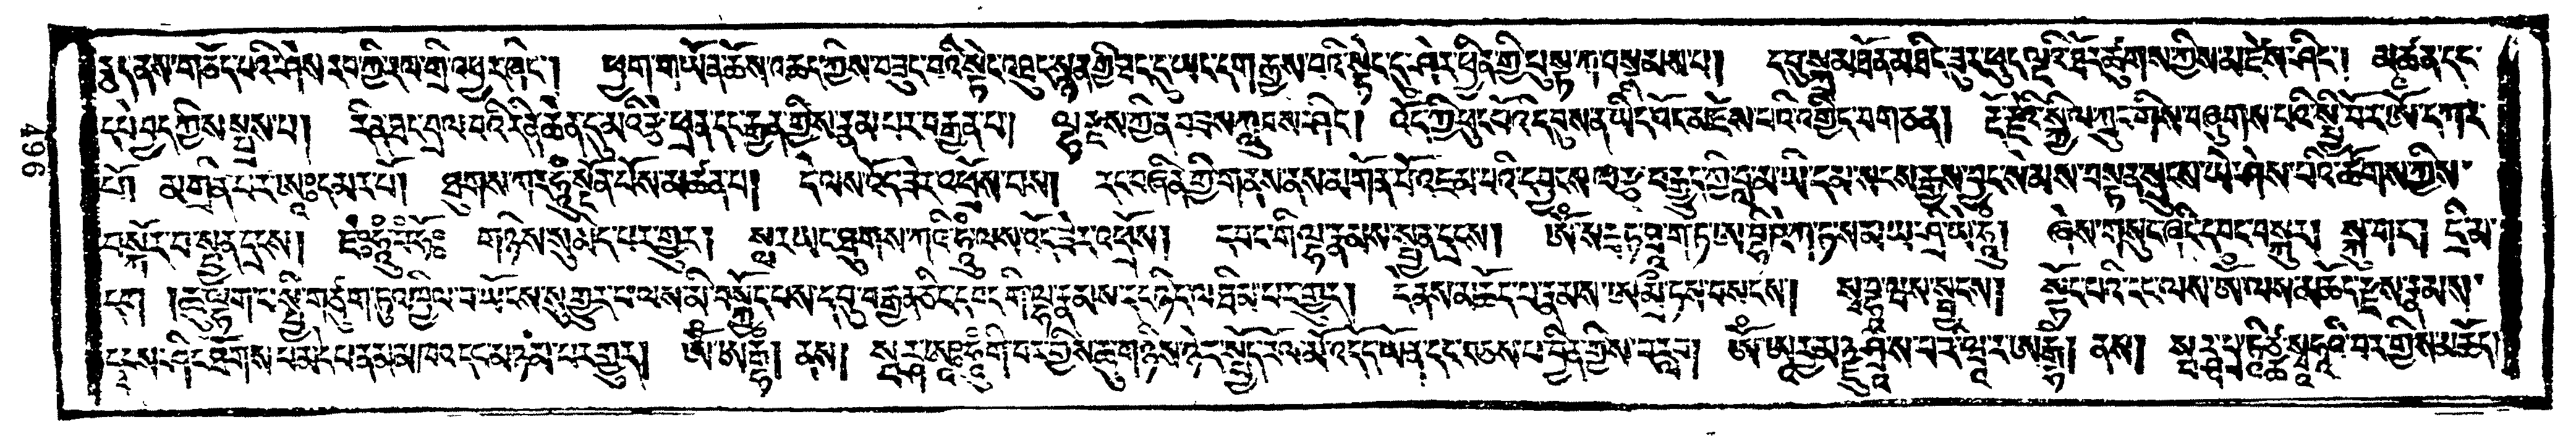རྩད་ནས་གཅོད་པའི་ཤེས་རབ་ཀྱི་རལ་གྲི་འཕྱར་ཞིང་། ཕྱག་གཡོན་ཆོས་འཆད་ཀྱིས་བཟུང་བའི་སྟེང་འཐུང་སྙན་གྱི་ཐང་དུ་ཡང་དག་རྒྱས་བའི་སྟེང་དུ་ཤེར་ཕྱིན་གྱི་པུསྟ་ཀ་བསྣམས་པ། དབུ་སྐྲ་མཐོན་མཐིང་ཟུར་ཕུང་ལྔའི་ཐོར་ཚུགས་ཀྱིས་མཛེས་ཤིང་། མཚན་དང་
དཔེ་བྱད་ཀྱིས་སྤྲས་པ། རིན་ཐང་བྲལ་བའི་རིན་ཆེན་དུ་མའི་རྩེ་ཕྲན་དང་རྒྱན་གྱིས་རྣམ་པར་བརྒྱན་པ། ལྷ་རྫས་ཀྱི་ན་བཟས་ཀྲུབས་ཤིང་། འོད་ཀྱི་ཕུང་པོའི་དབུས་ན་ཡིད་འོང་མཛེས་པ་འགྱིད་བག་ཅན། རྡོ་རྗེའི་སྐྱིལ་རྐུང་གིས་བཞུགས་པའི་སྦྱི་བོར་ཨོ་དཀར་
པོ། མགྲིན་པར་ཨཱཿདམར་པོ། ཐུགས་ཀར་ཧཱུཾ་སྔོན་པོས་མཚན་པ། དེ་ལས་འོད་ཟེར་འཕྲོས་བས། རང་བཞིན་གྱི་གནས་ནས་མགོན་པོ་འཇམ་པའི་དབྱངས་ལ་རྩ་བརྒྱུད་ཀྱི་བླ་མ་ཡི་དམ་སངས་རྒྱས་བྱང་སེམས་བསྟན་སྲུངས་ཡེ་ཤེས་པའི་ཚོགས་ཀྱིས་
བསྐོར་བ་སྦྱན་དྲངས། ཛཿཧཱུཾ་པཾ་ཧོཿགཉིས་སུ་མེད་པར་གྱུར། སླར་ཡང་ཐུགས་ཀའི་ཧཱུཾ་ལས་འོད་ཟེར་འཕྲོས། དབང་གི་ལྷ་རྣམས་སྤྱན་དྲངས། ཨོཾ་སརྦ་ཏ་ཐཱ་ག་ཏ་ཨ་བྷི་ཥེ་ཀ་ཏ་སམ་ཡ་ཤྲི་ཡེ་ཧཱུཾ། ཞེས་གསུང་ཞིང་དབང་བསྐུར། སྐུ་གང་། དྲི་མ་
དག །ཆུ་ལྷག་པ་སྤྱི་གཙུག་ཏུ་འཁྱིལ་བ་ཡོངས་སུ་གྱུར་པ་ལས་མི་བསྐྱོད་པས་དབུ་བརྒྱན་ཅིང་དབང་གི་ལྷ་རྣམས་རང་ཉིད་ལ་ཐིམ་པར་གྱུར། དེ་ནས་མཆོད་པ་རྣམས་ཨ་མྲྀ་ཏས་བསངས། སྭ་བྷཱ་ཝས་སྦྱངས། སྟོང་པའི་ངང་ལས་ཨོཾ་ལས་མཆོད་རྫས་རྣམས་
དྭངས་ཤིང་ཐོགས་པ་མེད་པ་ནམ་མཁའ་དང་མཉམ་པར་གྱུར། ཨོཾ་ཨརྒྷཾ། ནས། སྦརྴ་ཨཱཿཧཱུཾ་གི་བར་གྱིས་ཆུ་གཉིས་ཉེར་སྤྱོད་རོལ་མོ་འདོད་ཡོན་དང་བཅས་པ་བྱིན་གྱིས་བརླབ། ཨོཾ་ཨཱརྱ་མཉྫུ་ཤྲཱ་ས་པར་ཝཱི་ར་ཨརྒྷཾ། ནས། སྦརྴ་པྲ་ཏཱིཙྪ་སྭཱཧཱའི་བར་གྱིས་མཆོད།